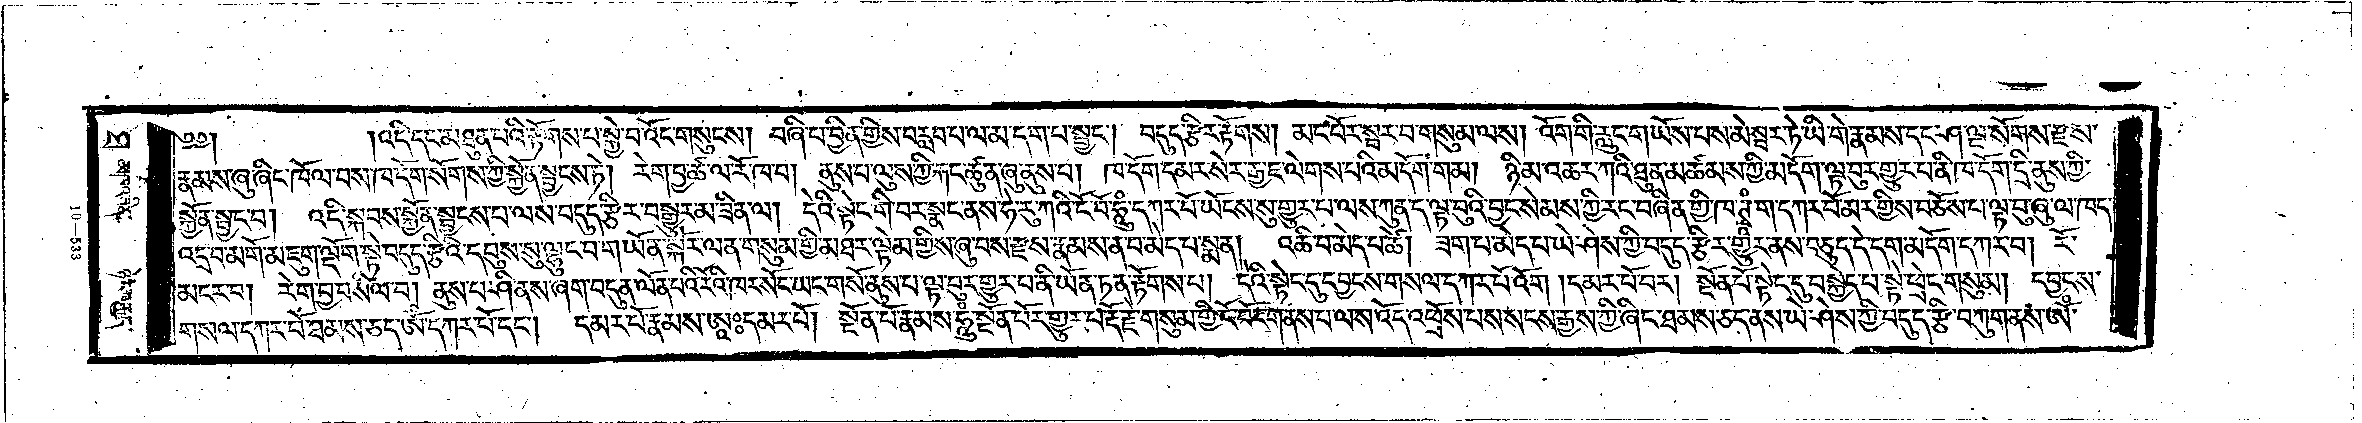༄༅། །འདི་དང་མཐུན་པའི་རྟོགས་པ་སྐྱེ་བ་འོད་གསུངས། བཞི་པ་བྱིན་གྱིས་བརླབ་པ་ལ་མ་དག་པ་སྦྱང་། བདུད་རྩིར་རྟོགས། མང་པོར་སྦར་བ་གསུམ་ལས། འོག་གི་རླུང་གཡོས་པས་མེ་སྦར་ཏེ་ཡི་གེ་རྣམས་དང་ཤ་ལྔ་སོགས་རྫས་
རྣམས་ཞུ་ཞིང་ཁོལ་བས་ཁ་དོག་སོགས་ཀྱི་སྐྱོན་སྦྱངས་ཏེ། རེག་བྱ་ཚ་ལ་རོ་ཁ་བ། ནུས་པ་ལུས་ཀྱི་རྐང་ཚུན་ཞུ་ནུས་པ། ཁ་དོག་དམར་སེར་རྒྱ་ཇ་ལེགས་པའི་མདོག་གམ། ཉི་མ་འཆར་ཀའི་ཐུན་མཚམས་ཀྱི་མདོག་ལྟ་བུར་གྱུར་པ་ནི་ཁ་དོག་དྲི་ནུས་ཀྱི་
སྐྱོན་སྦྱང་བ། འདི་སྐབས་སྐྱོན་སྦྱངས་པ་ལས་བདུད་རྩིར་བསྒྱུར་མ་ཟིན་ལ། དེའི་སྟེང་གི་བར་སྣང་ནས་ཧེ་རུ་ཀའི་ངོ་བོ་ཧཱུཾ་དཀར་པོ་ཡོངས་སུ་གྱུར་པ་ལས་ཀུན་ད་ལྟ་བུའི་བྱང་སེམས་ཀྱི་རང་བཞིན་གྱི་ཁ་ཊཝའཾ་ག་དཀར་པོ་མར་གྱིས་བཅོས་པ་ལྟ་བུ་ཞུ་ལ་ཁད་
འདྲ་བ་མགོ་མཇུག་ལྡོག་སྟེ་བདུད་རྩིའི་དབུས་སུ་ལྷུང་བ་གཡོན་སྐོར་ལན་གསུམ་གྱི་མཐར་ལྟེམ་གྱིས་ཞུ་བས་རྫས་རྣམས་ན་བ་མེད་པ་སྨན། འཆི་བ་མེད་པ་ཚེ། ཟག་པ་མེད་པ་ཡེ་ཤེས་ཀྱི་བདུད་རྩིར་གྱུར་ནས་བཅུད་དེ་དག་མདོག་དཀར་བ། རོ་
མངར་བ། རེག་བྱ་བསིལ་བ། ནུས་པ་ཤི་ནས་ཞག་བདུན་ལོན་པའི་རོའི་ཁར་སོང་ཡང་གསོ་ནུས་པ་ལྟ་བུར་གྱུར་པ་ནི་ཡོན་ཏན་རྟོགས་པ། དེའི་སྟེང་དུ་དབྱངས་གསལ་དཀར་པོ་འོག །དམར་པོ་བར། སྔོན་པོ་སྟེང་དུ་བསྐྱེད་པ་སྟེ་ཕྲེང་གསུམ། དབྱངས་
གསལ་དཀར་པོ་ཐམས་ཅད་ཨོཾ་དཀར་པོ་དང་། དམར་པོ་རྣམས་ཨཱཿ དམར་པོ། སྔོན་པོ་རྣམས་ཧཱུཾ་སྔོན་པོར་གྱུར་པ་རྡོ་རྗེ་གསུམ་གྱི་ངོ་བོར་གནས་པ་ལས་འོད་འཕྲོས་པས་སངས་རྒྱས་ཀྱི་ཞིང་ཐམས་ཅད་ནས་ཡེ་ཤེས་ཀྱི་བདུད་རྩི་བཀུག་ནས་ཨོཾ་